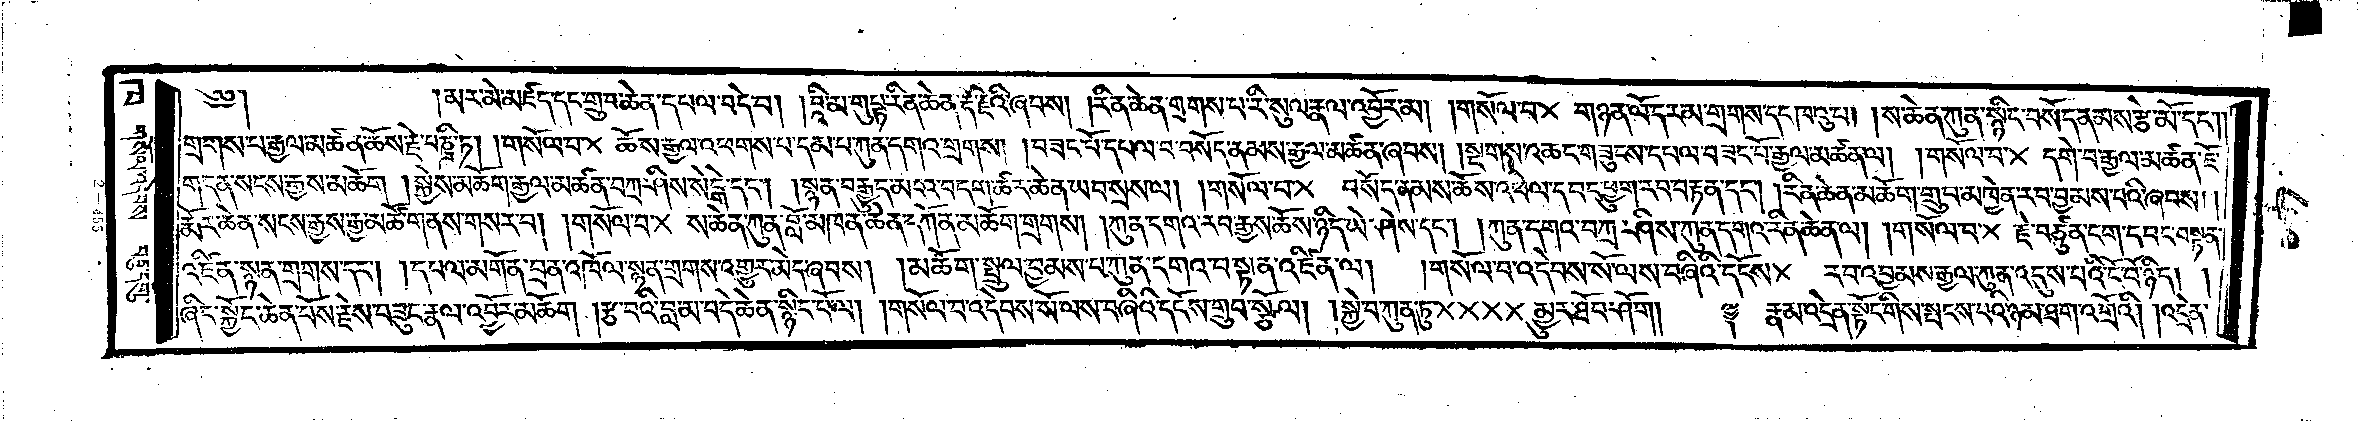༄༅། །མར་མེ་མཛད་དང་གྲུབ་ཆེན་དཔལ་བདེ་བ། །བཱི་མ་གུཔྟ་རིན་ཆེན་རྡོ་རྗེའི་ཞབས། །རིན་ཆེན་གྲགས་པ་རི་སུལ་རྣལ་འབྱོར་མ། །གསོལ་བ་྾་གཉན་ལོད་རམ་གྲགས་དང་ཁའུ་པ། །ས་ཆེན་ཀུན་སྙིང་བསོད་ནམས་རྩེ་མོ་དང།།
གྲགས་པ་རྒྱལ་མཚན་ཆོས་རྗེ་པཎྜི་ཏ། །གསོལ་བ་྾་ཆོས་རྒྱལ་འཕགས་པ་དམ་པ་ཀུན་དགའ་གྲགས། །བཟང་པོ་དཔལ་བ་བསོད་ནམས་རྒྱལ་མཚན་ཞབས། །སྔགས་འཆང་གཟུངས་དཔལ་བཟང་པོ་རྒྱལ་མཚན་ལ། །གསོལ་བ་྾་དགེ་བ་རྒྱལ་མཚན་ཇོ་
གདན་སངས་རྒྱས་མཆོག །སྐྱེས་མཆོག་རྒྱལ་མཚན་བཀྲ་ཤིས་སེངྒེ་དང་། །སྙན་བརྒྱུད་མངའ་བདག་ཚར་ཆེན་ཡབ་སྲས་ལ། །གསོལ་བ་྾་བསོད་ནམས་ཆོས་འཕེལ་དབང་ཕྱུག་རབ་བརྟན་དང་། །རིན་ཆེན་མཆོག་གྲུབ་མཁྱེན་རབ་བྱམས་པའི་ཞབས། །
རྨོར་ཆེན་སངས་རྒྱས་རྒྱ་མཚོ་གནས་གསར་བ། །གསོལ་བ་྾་ས་ཆེན་ཀུན་བློ་མཁན་ཆེན་དཀོན་མཆོག་གྲགས། །ཀུན་དགའ་རབ་རྒྱས་ཆོས་ཉིད་ཡེ་ཤེས་དང་། །ཀུན་དགའ་བཀྲ་ཤིས་ཀུན་དགའ་རིན་ཆེན་ལ། །གསོལ་བ་྾་རྗེ་བཙུན་ངག་དབང་བསྟན་
འཛིན་སྙན་གྲགས་དང་། །དཔལ་མགོན་བྲན་འཁོལ་སྙན་གྲགས་འགྱུར་མེད་ཞབས། །མཆོག་སྤྲུལ་བྱམས་པ་ཀུན་དགའ་བསྟན་འཛིན་ལ། །གསོལ་བ་འདེབས་སོ་ལས་བཞིའི་དངོས་྾་རབ་འབྱམས་རྒྱལ་ཀུན་འདུས་པའི་ངོ་བོ་ཉིད། །
ཞིང་སྐྱོང་ཆེན་པོས་རྗེས་བཟུང་རྣལ་འབྱོར་མཆོག །རྩ་བའི་བླ་མ་བདེ་ཆེན་སྙིང་པོ་ལ། །གསོལ་བ་འདེབས་སོ་ལས་བཞིའི་དངོས་གྲུབ་སྩོལ། །སྐྱེ་བ་ཀུན་ཏུ་྾྾྾་མྱུར་ཐོབ་ཤོག ། ༈ རྣམ་འདྲེན་སྟོང་གིས་སྤངས་པའི་ཉམ་ཐག་འགྲོའི། །འདྲེན་